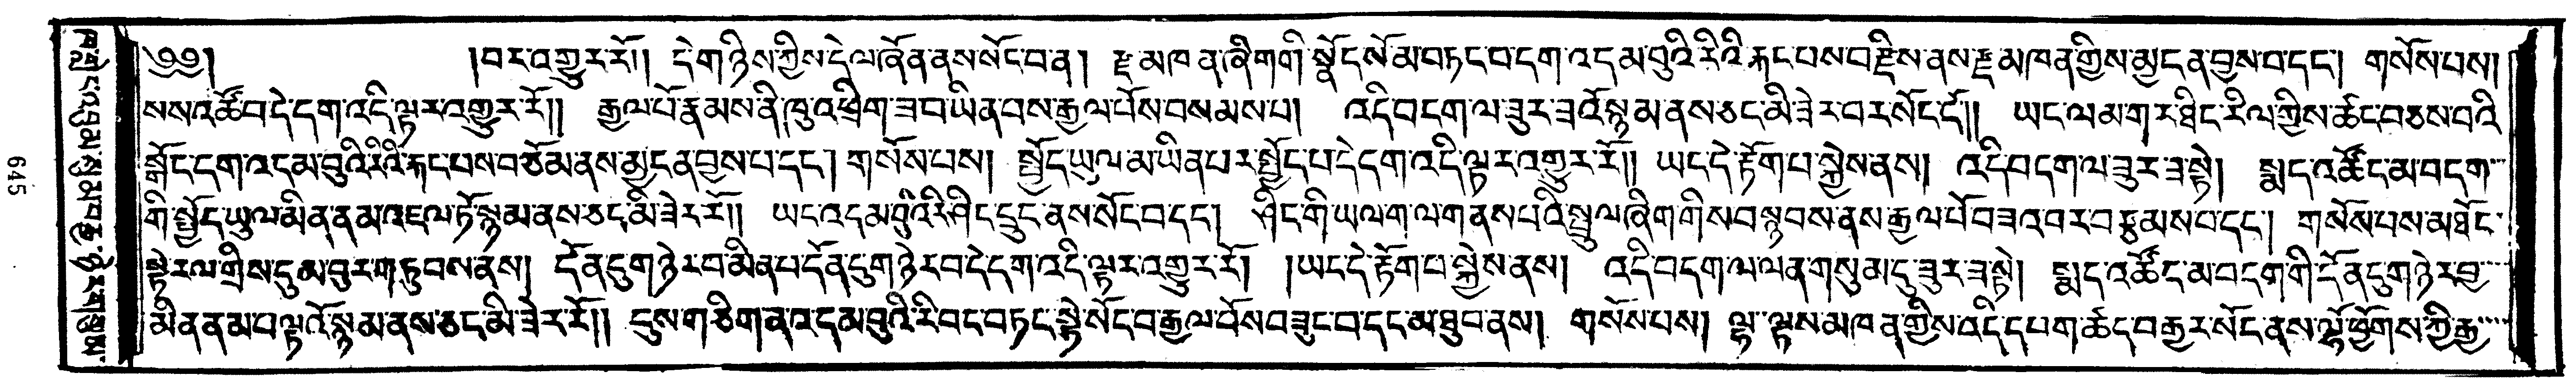༄༅། །བར་འགྱུར་རོ།། དེ་གཉིས་ཀྱིས་དེ་ལ་ཞོན་ནས་སོང་བ་ན། རྫ་མཁན་ཞིག་གི་སྣོད་སོ་མ་བཏང་བ་དག་འདམ་བུའི་རིའི་རྐང་བས་བརྫིས་ནས་རྫ་མཁན་གྱིས་མྱ་ངན་བྱས་བ་དང་། གསོས་པས།
སས་འཚོ་བ་དེ་དག་འདི་ལྟར་འགྱུར་རོ།། རྒྱལ་པོ་རྣམས་ནི་ཁུ་འཕྲིག་ཟབ་ཡིན་པས་རྒྱལ་པོས་བསམས་པ། འདི་བདག་ལ་ཟུར་ཟའོ་སྙམ་ནས་ཅང་མི་ཟེར་བར་སོང་ངོ།། ཡང་ལམ་གར་ཐིང་རིལ་གྱིས་ཚང་བཅས་བའི་
སྒོང་དག་འདམ་བུའི་རིའི་རྐང་པས་བཅོམ་ནས་མྱ་ངན་བྱས་པ་དང་། གསོས་པས། སྤྱོད་ཡུལ་མ་ཡིན་པར་སྤྱོད་པ་དེ་དག་འདི་ལྟར་འགྱུར་རོ།། ཡང་དེ་རྟོག་པ་སྐྱེས་ནས། འདི་བདག་ལ་ཟུར་ཟ་སྟེ། སྨད་འཚོང་མ་བདག་
གི་སྤྱོད་ཡུལ་མིན་ནམ་འཇལ་ཏོ་སྙམ་ནས་ཅད་མི་ཟེར་རོ།། ཡང་འདམ་བུའི་རི་ཤིང་དྲུང་ནས་སོང་བ་དང་། ཤིང་གི་ཡལ་ག་ལ་གནས་པའི་སྤྲུལ་ཞིག་གིས་བསྙབས་ནས་རྒྱལ་པོ་བཟའ་བར་བརྩམས་པ་དང་། གསོས་པས་མཐོང་
སྟེ་རལ་གྲིས་དུམ་བུར་གཏུབས་ནས། དོན་དུ་གཉེར་བ་མིན་པ་དོན་དུ་གཉེར་བ་དེ་དག་འདི་ལྟར་འགྱུར་རོ། །ཡང་དེ་རྟོག་པ་སྐྱེས་ནས། འདི་བདག་ལ་ལན་གསུམ་དུ་ཟུར་ཟ་སྟེ། སྨད་འཚོང་མ་བདག་གི་དོན་དུ་གཉེར་བྱ་
མིན་ནམ་བལྟའོ་སྙམ་ནས་ཅང་མི་ཟེར་རོ།། དུས་གཅིག་ན་འདམ་བུའི་རི་བང་བཏང་སྟེ་སོང་བ་རྒྱལ་པོས་བཟུང་བ་དང་མ་ཐུབ་ནས། གསོས་པས། ལྷ་ལྟས་མཁན་གྱིས་འདི་དཔག་ཚད་བརྒྱར་སོང་ནས་ལྷོ་ཕྱོགས་ཀྱི་རྒྱ་